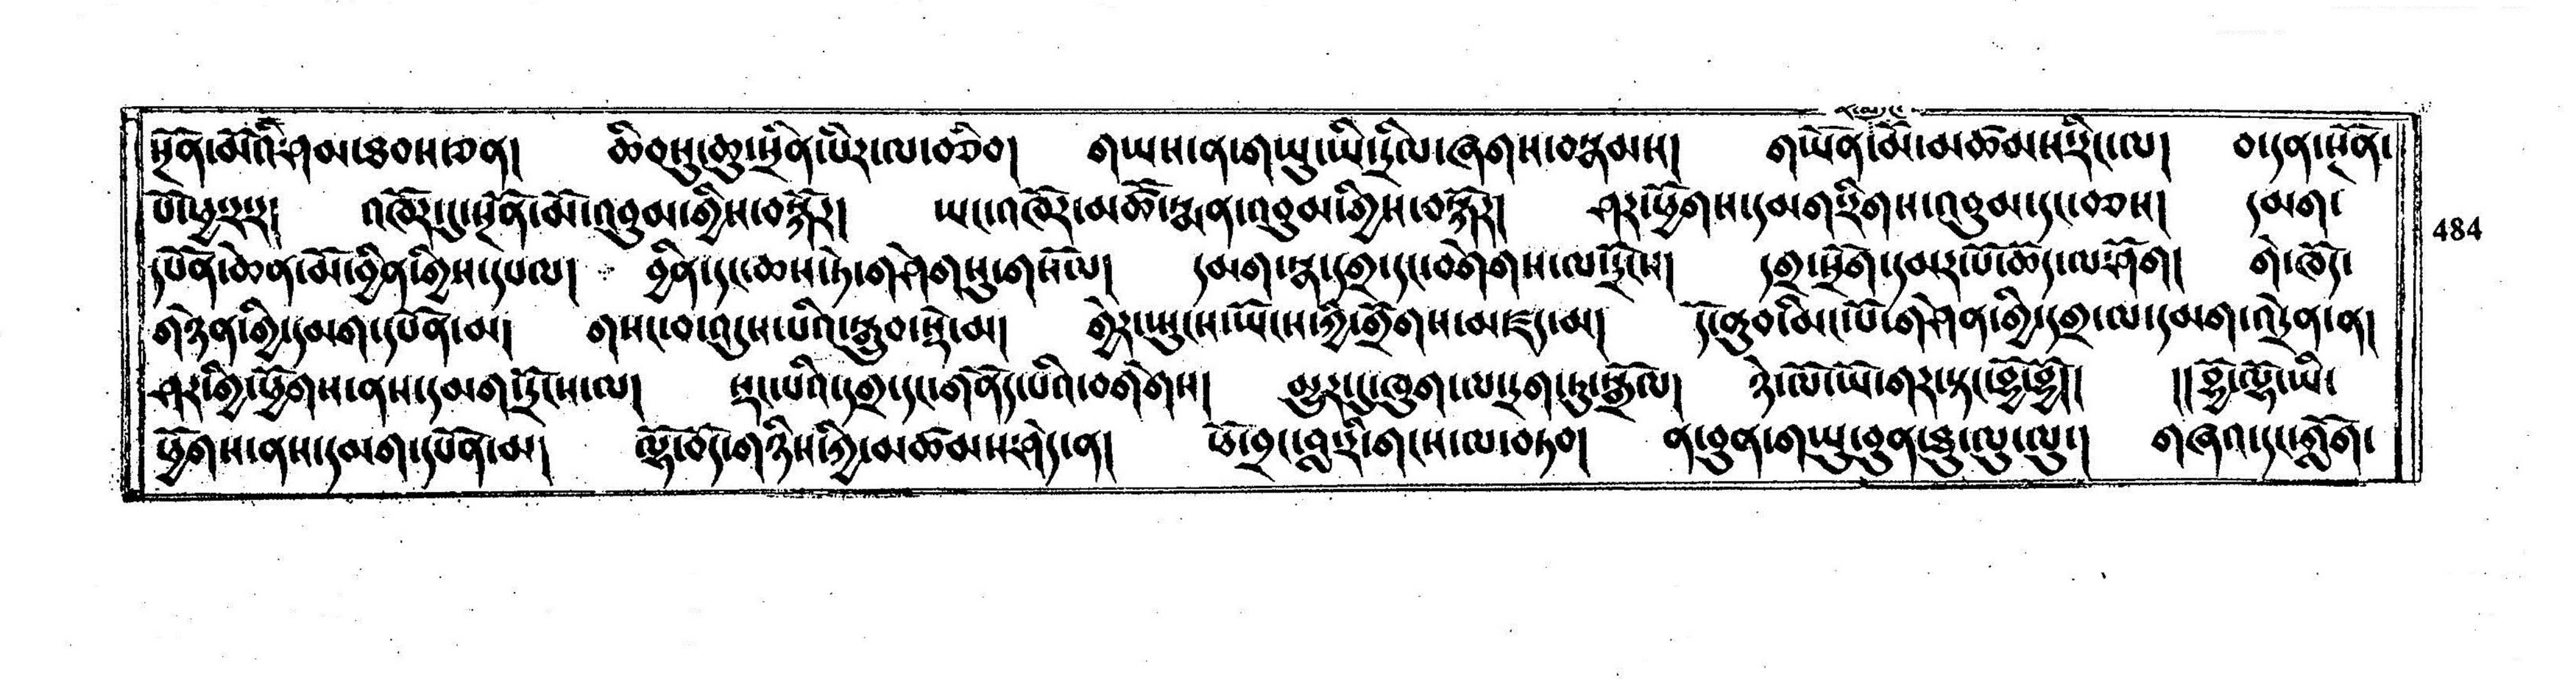སྔོན་མོའི་ཤམ་ཐབས་ཅན། ཆིབས་སུ་ཆུ་སྲིན་པིར་ལ་བཅིབ། གཡས་{497}ན་གཡུ་ཡི་དྲིལ་ཞགས་བསྣམས། གཡོན་ན་མདུང་མོ་མཚམས་རིང་ལ། བ་དན་སྔོན་
པོ་ཕྱ་ར་ར། འཁོར་དུ་སྔོན་མོ་འབུམ་གྱིས་བསྐོར། ཡང་འཁོར་མཚོ་སྨན་འབུམ་གྱིས་བསྐོར། ཤར་ཕྱོགས་དམག་རིགས་འབུམ་དང་བཅས། དམག་
དཔོན་ཆེན་མོ་བྱིན་གྱིས་དཔལ། བྱིན་དང་ཆས་ཏེ་གཤེགས་སུ་གསོལ། དམག་སྣ་དགྲ་དང་བགེགས་ལ་དྲོངས། དགྲ་སྲོག་དམར་པོ་ཆོད་ལ་ཤོག གེ་ཁོད་
གཉེན་གྱི་དམག་དཔོན་མ། གསང་བ་འདུས་པའི་སྒྲུབ་སྡེ་མ། གྱེར་སྤུངས་ཡོངས་ཀྱི་གྲོགས་མཛད་མ། དོ་ནུབ་མིང་པོ་གཤེན་གྱི་དགྲ་ལ་དམག་འདྲེན་ན།
ཤར་གྱི་ཕྱོགས་ནས་དམག་དྲོངས་ལ། སྡང་པའི་དགྲ་དང་གནོད་པའི་བགེགས། མྱུར་དུ་ཁུག་ལ་དྲག་ཏུ་སྒྲོལ། ཉེ་ལོ་ཡོ་གར་སྟང་བྷྱོ་བྷྱོ།། །།བྷྱོ་ལྷོ་ཡི་
ཕྱོགས་ནས་དམག་དཔོན་མ། ལྷོ་བོད་གཉིས་ཀྱི་མཚམས་ཤེད་ན། ཕོ་བྲང་བླ་རི་གངས་ལ་བཏབ། ན་བུན་གཡུ་བུན་ཐུ་ལུ་ལུ། གཞའ་{498}དང་གློག་